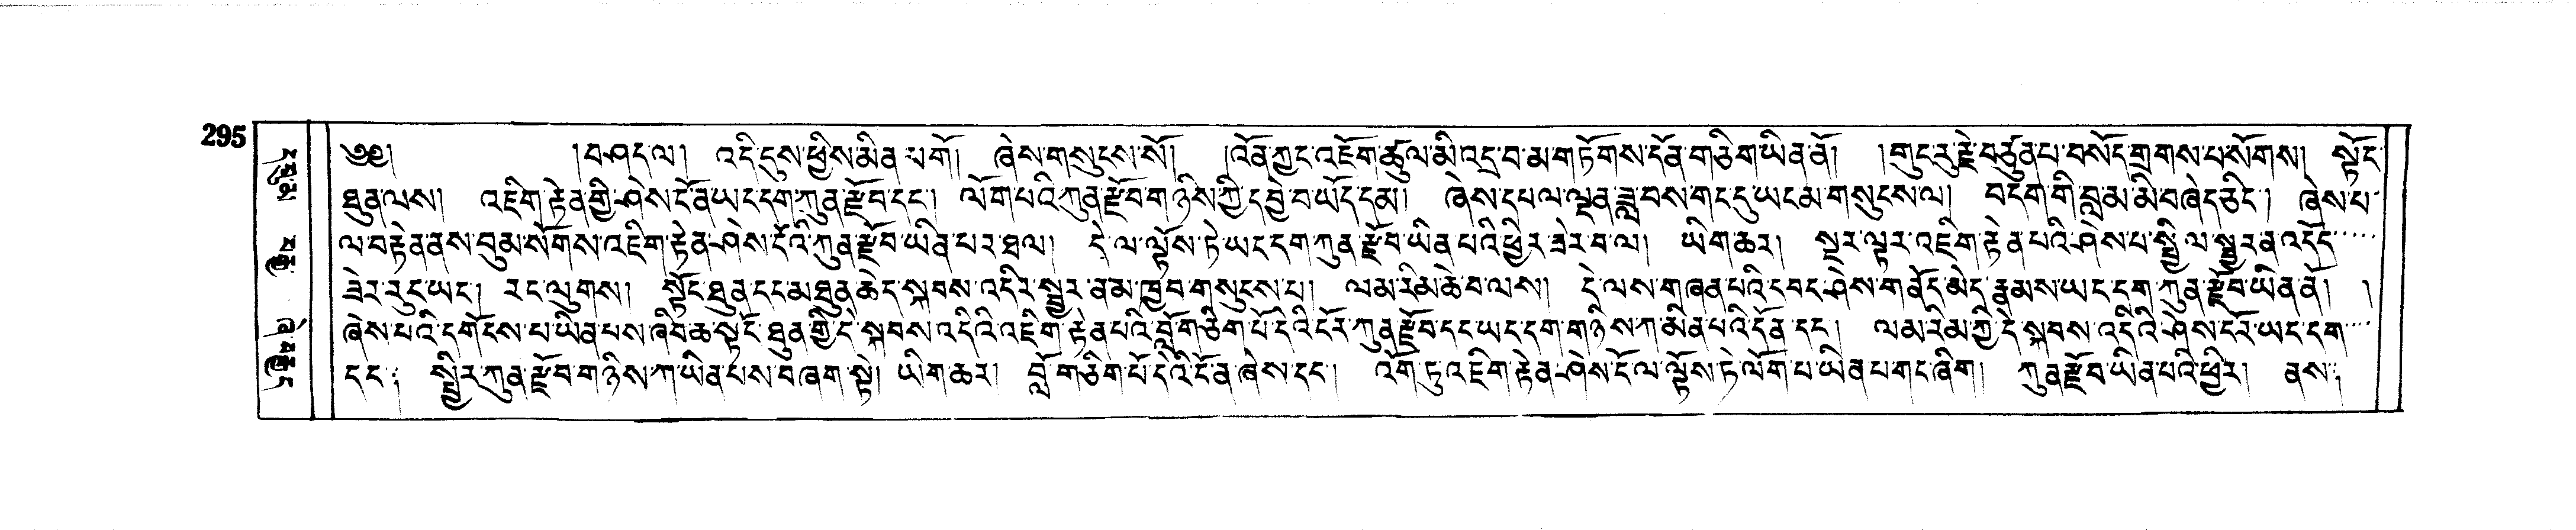༄༅། །བཤད་ལ། འདི་དུས་ཕྱིས་མིན་མགོ། ཞེས་གསུངས་སོ། །འོན་ཀྱང་འཇོག་ཚུལ་མི་འདྲ་བ་མ་གཏོགས་དོན་གཅིག་ཡིན་ནོ། །གུང་རུ་རྗེ་བཙུན་པ་བསོད་གྲགས་པ་སོགས། སྟོང་
ཐུན་ལས། འཇིག་རྟེན་གྱི་ཤེས་ངོ་ན་ཡང་དག་ཀུན་རྫོབ་དང་། ལོག་པའི་ཀུན་རྫོབ་གཉིས་ཀྱི་དབྱེ་བ་ཡོད་དམ། ཞེས་དཔལ་ལྡན་ཟླ་བས་གང་དུ་ཡང་མ་གསུངས་ལ། བདག་གི་བླ་མ་མི་བཞེད་ཅིང་། ཞེས་པ་
ལ་བརྟེན་ནས་བུམ་སོགས་འཇིག་རྟེན་ཤེས་ངོའི་ཀུན་རྫོབ་ཡིན་པར་ཐལ། དེ་ལ་ལྟོས་ཏེ་ཡང་དག་ཀུན་རྫོབ་ཡིན་པའི་ཕྱིར་ཟེར་བ་ལ། ཡིག་ཆར། སྔར་ལྟར་འཇིག་རྟེན་པའི་ཤེས་པ་སྤྱི་ལ་སྦྱར་ན་འདོད་
ཟེར་རུང་ཡང་། རང་ལུགས། སྟོང་ཐུན་དང་མཐུན་ཆེད་སྐབས་འདིར་སྦྱར་ན་མ་ཁྱབ་གསུངས་པ། ལམ་རིམ་ཆེ་བ་ལས། དེ་ལས་གཞན་པའི་དབང་ཤེས་གནོད་མེད་རྣམས་ཡང་དག་ཀུན་རྫོབ་ཡིན་ནོ། །
ཞེས་པའི་དགོངས་པ་ཡིན་པས་ཞིབ་ཆ་སྟོང་ཐུན་གྱི་དེ་སྐབས་འདིའི་འཇིག་རྟེན་པའི་བློ་གཅིག་པོ་དེའི་ངོར་ཀུན་རྫོབ་དང་ཡང་དག་གཉིས་ཀ་མིན་པའི་དོན་དང་། ལམ་རིམ་ཀྱི་དེ་སྐབས་འདིའི་ཤེས་ངོར་ཡང་དག་
དང་། སྤྱིར་ཀུན་རྫོབ་གཉིས་ཀ་ཡིན་པས་བཞག་སྟེ། ཡིག་ཆར། བློ་གཅིག་པོ་དེའི་ངོ་ན་ཞེས་དང་། འོག་ཏུ་འཇིག་རྟེན་ཤེས་ངོ་ལ་ལྟོས་ཏེ་ལོག་པ་ཡིན་པ་གང་ཞིག། ཀུན་རྫོབ་ཡིན་པའི་ཕྱིར། ནས།